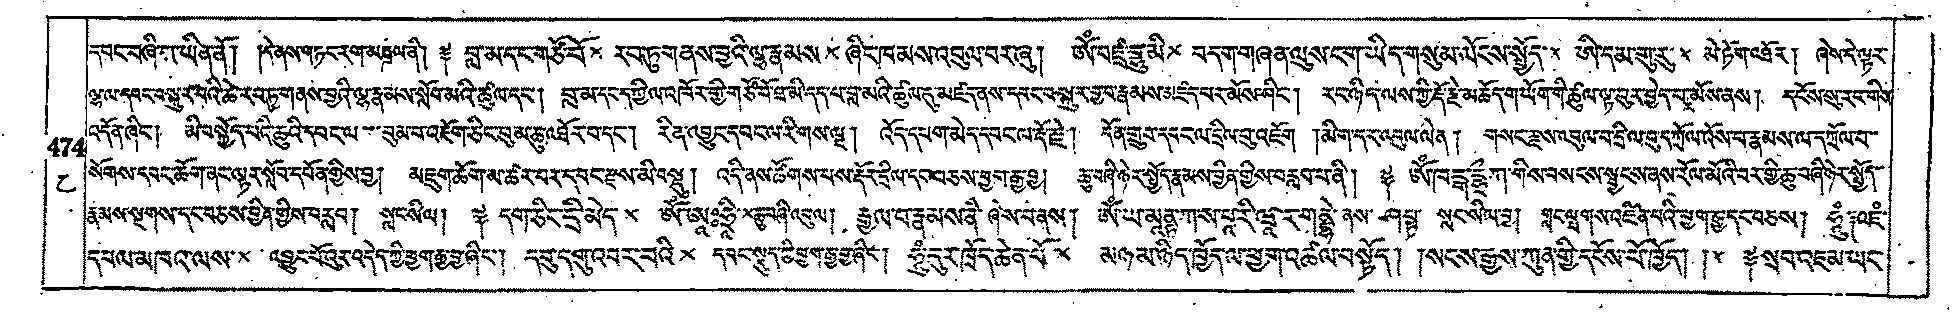དབང་བཞི་པ་ཡིན་ནོ། །དེ་ནས་གཏང་རག་མཎྜལ་ནི།  འ་བླ་མ་དང་གཙོ་བོ་྾་རབ་ཏུ་གནས་བྱའི་ལྷ་རྣམས་྾་ཞིང་ཁམས་འབུལ་བར་ཞུ། ཨོཾ་བཛྲ་བྷུ་མི་྾་བདག་གཞན་ལུས་ངག་ཡིད་གསུམ་ལོངས་སྤྱོད་྾་ཨི་དམ་གུ་རུ་྾་མེ་ཏོག་འཐོར། ཞེས་དེ་ལྟར་
ལྷ་ལ་དབང་བསྐུར་བའི་ཚེ་རབ་ཏུ་གནས་བྱའི་ལྷ་རྣམས་སློབ་མའི་ཚུལ་དང་། བླ་མ་དང་དཀྱིལ་འཁོར་གྱི་གཙོ་བོ་ཐ་མི་དད་པ་བླ་མའི་ཚུལ་དུ་མཛད་ནས་དབང་བསྐུར་བྱ་བ་རྣམས་མཛད་པར་མོས་ཤིང་། རང་ཉིད་ལས་ཀྱི་རྡོ་རྗེ་མཆོད་གཡོག་གི་ཚུལ་ལྟ་བུར་བྱེད་པར་མོས་ནས། དངོས་སུ་རང་གིས་
འདོན་ཞིང་། མི་བསྐྱོད་པའི་ཆུའི་དབང་ལ་་་བུམ་པ་འཇོག་ཅིང་བུམ་ཆུ་འཐོར་བ་དང་། རིན་འབྱུང་དབང་ལ་རིགས་ལྔ། འོད་དཔག་མེད་དབང་ལ་རྡོ་རྗེ། དོན་གྲུབ་དབང་ལ་དྲིལ་བུ་འཇོག་།མིག་དར་འབུལ་ལེན།  གསང་རྫས་འབུལ་བ་དྲིལ་བུ་དཀྲོལ་འོས་པ་རྣམས་ལ་དཀྲོལ་བ་
སོགས་དབང་ཆོག་ནང་ལྟར་སློབ་དཔོན་གྱིས་བྱ། མཇུག་ཆོག་མ་ཚར་བར་དབང་རྫས་མི་བསྡུ། འདི་ན་ཚོགས་པས་རྡོར་དྲིལ་དང་བཅས་ཕྱག་རྒྱ་བྱ། ཆུ་བཞི་ཉེར་སྤྱོད་རྣམས་བྱིན་གྱིས་བརླབ་པ་ནི།  འ་ཨོཾ་ཁངྒ་དྷྲྀ་ཀ་གིས་བསངས་སྦྱངས་ནས་རོལ་མོའི་བར་གྱི་ཆུ་བཞི་ཉེར་སྤྱོད་
རྣམས་སྔགས་དང་བཅས་བྱིན་གྱིས་བརླབ། སླང་སིལ། འ་དག་ཅིང་དྲི་མེད་྾་ཨོཾ་ཨཱཿཧྲཱི་྾་ཆུ་བཞི་འབུལ།  རྒྱལ་བ་རྣམས་ནི་ཞེས་པ་ནས།  ཨོཾ་ཡ་མཱནྟ་ཀ་ས་པཱ་རི་ཝཱ་ར་གནྡྷེ་ནས་ཤཔྟ་སླང་སིལ་བྱ། གླང་ལྤགས་འཛིན་པའི་ཕྱག་རྒྱ་དང་བཅས།  ཧཱུཾ༑འཇཾ་
དཔལ་མཁའ་ལས་྾་འབྱུང་པོ་འུར་འདེད་ཀྱི་ཕྱག་རྒྱ་བྱ་ཞིང་།  དབུ་དགུ་འབར་བའི་྾་དབང་སྡུད་ཀྱི་ཕྱག་རྒྱ་བྱ་ཞིང་།  ཧཱུཾ་དུར་ཁྲོད་ཆེན་པོ་྾་མཉམ་ཉིད་ཁྱོད་ལ་ཕྱག་འཚལ་བསྟོད། །སངས་རྒྱས་ཀུན་གྱི་དངོས་པོ་ཁྱོད། ། ྾་འ་སྲབ་འཇམ་ཡང་